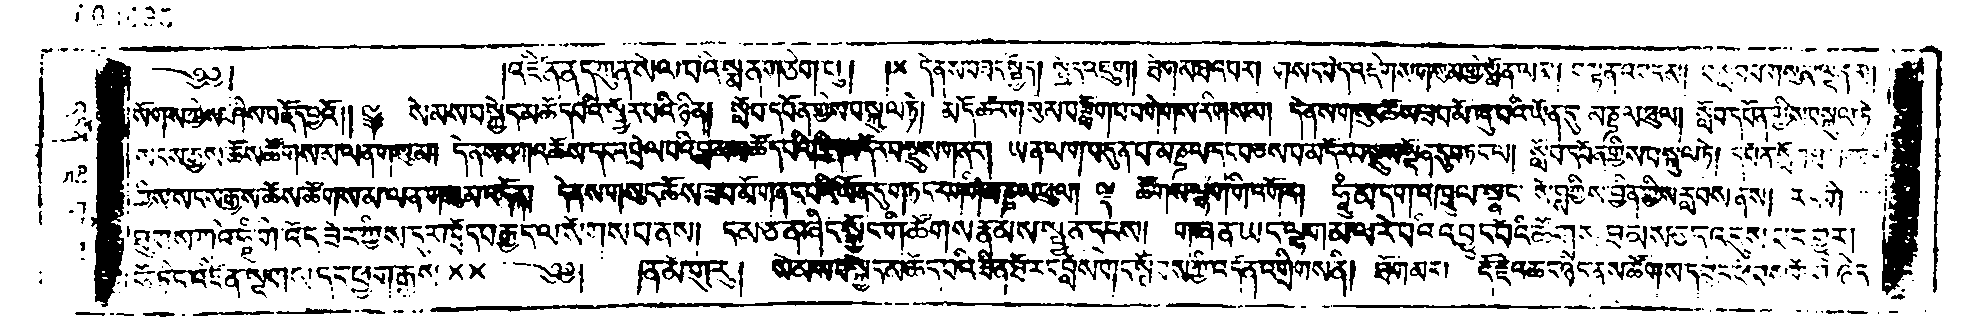༄༅། །འཛིན་ནད་ཀུན་སེལ་བའི་སྨན་གཅིག་པུ། །྾་དེ་ནས་བཟང་སྤྱོད། སྤྱོད་འཇུག །ཐོག་མཐའ་བར། གསང་བདེ་འཇིགས་གསུམ་གྱི་སྨོན་ལམ། བསྟན་འབར་མ། བསླབ་པ་གསུམ་ལྡན་མ།
སོགས་ཀྱིས་ཤིས་བརྗོད་བྱའོ།། ༈ སེམས་བསྐྱེད་མཆོད་པའི་སྦྱོར་བའི་ཉིན། སློབ་དཔོན་གྱིས་བསྐུལ་ཏེ། མདོ་ཚར་གསུམ་བཟློག་པ་བགེགས་རིགས་མ། དེ་ནས་གསུང་ཆོས་ཟབ་མོ་ཞུ་བའི་ཡོན་དུ་མཎྜལ་ཕུལ། སློབ་དཔོན་གྱིས་བསྐུལ་ཏེ་
སངས་རྒྱས་ཆོས་ཚོགས་མ་ལན་གསུམ། དེ་ནས་བཀའ་ཆོས་དང་འབྲེལ་བའི་བླ་མ་མཆོད་པའི་ཁྲིད་མདོར་བསྡུས་གནང་། ཡན་ལག་བདུན་པ་མཎྜལ་དང་བཅས་པ་མདོར་བསྡུས་སྔོན་དུ་བཏང་ལ། སློབ་དཔོན་གྱིས་བསྐུལ་ཏེ། དཔོན་སློབ་ཐམས་ཅད་
ཀྱིས་སངས་རྒྱས་ཆོས་ཚོགས་མ་ལན་གསུམ་འདོན། དེ་ནས་གསུང་ཆོས་ཟབ་མོ་གནང་བའི་ཡོན་དུ་གཏང་རག་གི་མཎྜལ་ཕུལ། ༈ ཚོགས་ལྷག་གི་འགོར། ཧཱུཾ་མ་དག་འཁྲུལ་སྣང་སོགས་ཀྱིས་བྱིན་གྱིས་རླབས་ནས།  རང་གི་
ཐུགས་ཀའི་ཧཱུཾ་གི་འོད་ཟེར་གྱིས་དུར་ཁྲོད་བརྒྱད་ལ་སོགས་པ་ནས། དམ་ཅན་ཞིང་སྐྱོང་གི་ཚོགས་རྣམས་སྤྱན་དྲངས། གཞན་ཡང་ལྷག་མ་ལ་རེ་བའི་འབྱུང་བོའི་ཚོགས་ཐམས་ཅད་འདུས་པར་གྱུར།
ཧོ་ཏིང་འཛིན་སྔགས་དང་ཕྱག་རྒྱས་྾྾་༄༅། །ན་མོ་གུ་རུ། སེམས་བསྐྱེད་མཆོད་པའི་ཟིན་ཐོ་རང་བློས་གང་སྤོབས་ཀྱི་འདོན་འགྲིགས་ནི། ཐོག་མར། རྡོ་རྗེ་འཆང་ཉིད་ནས་ཚོགས་དཔུང་ཕེབས་གོང་། ཉིད་